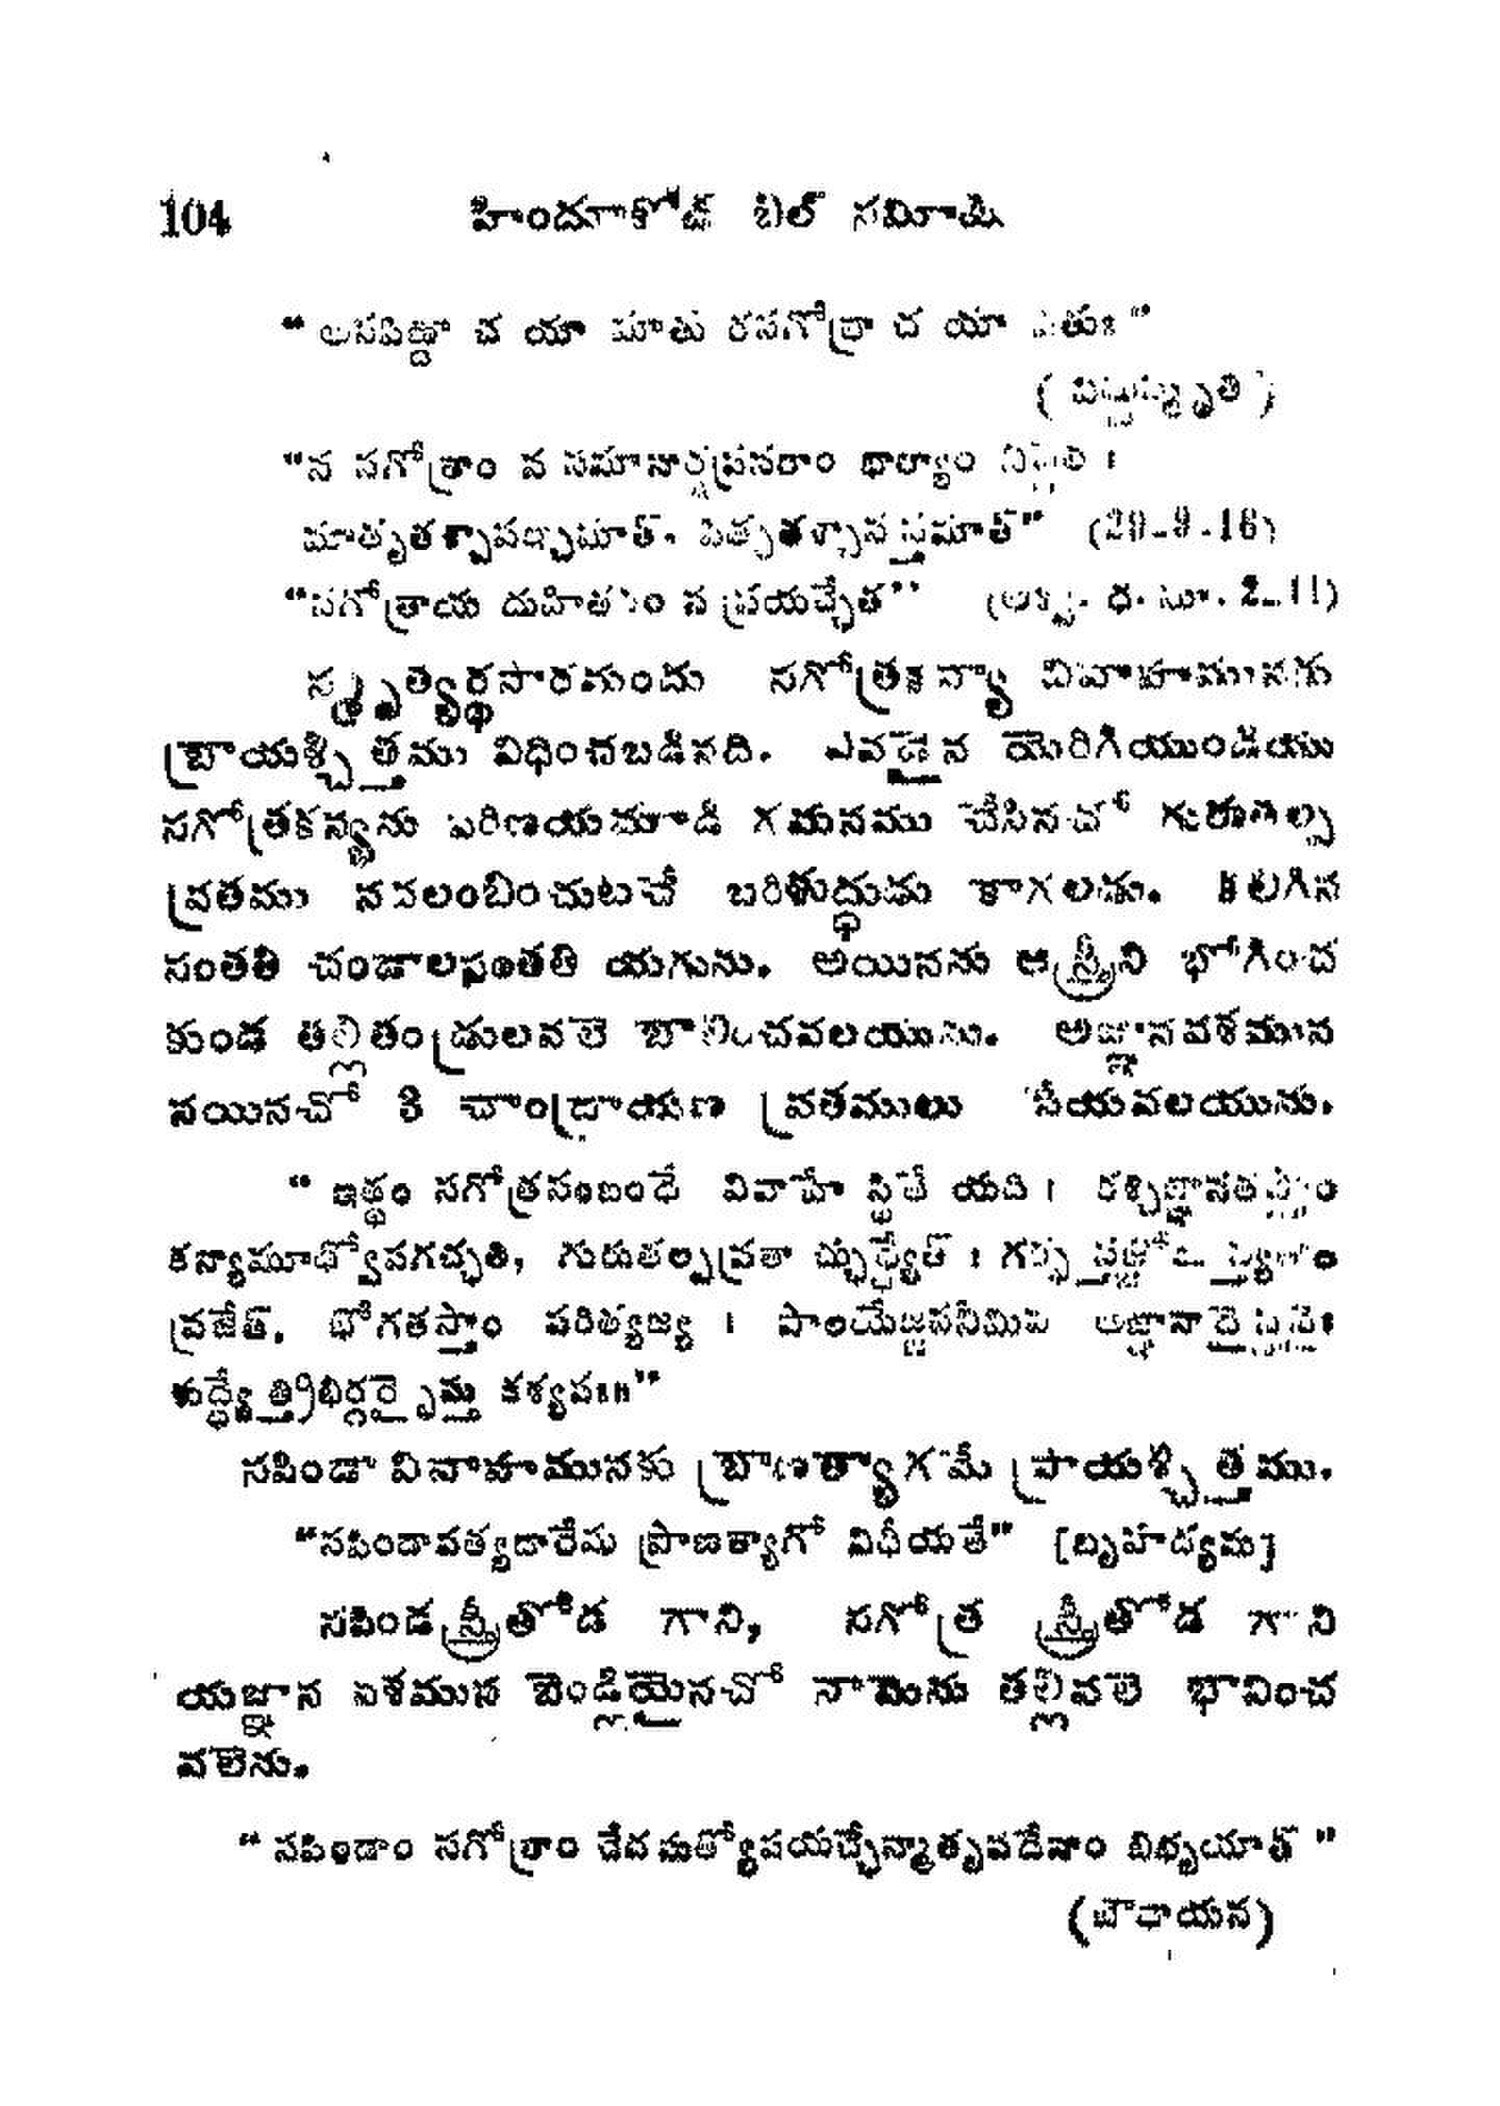"అసపిణ్డా చ యా మాతు రసగోత్రా చ యా పితుః"
 (విష్ణుస్మృతి)
 
"న సగోత్రాం న సమానార్థప్రవరాం భార్యాం నిష్టేత

 మాతృతశ్చాపఞ్చమాత్. పితృ తశ్చాసప్తమాత్" (29-9-16)
 
"సగోత్రాయ దుహితం ప్రయచ్ఛేత ( ఆశ్వ- ధ సూ. 22.11)

స్మృత్యర్థసారముందు సగోత్రకన్యా వివాహమునకు బ్రాయశ్చిత్తము 
విధించబడినది. ఎవడైన యెరిగియుండియు సగోత్రకన్యను 
పరిణయమాడి గమనము చేసినచో గురుతల్ప
వ్రతము నవలంబించుటచే బరిశుద్ధుడు కాగలడు. కలిగిన
సంతతి చండాల సంతతి యగును. అయినను ఆస్త్రీని భోగించ
కుండ తల్లితండ్రులవలె బాలించవలయును. అజ్ఞానవశమున
నయినచో 8 చాంద్రాయణ వ్రతములు చేయవలయును.

'ఇత్థం సగోత్రసంబంధే వివాహే స్థితే యది | కశ్చిజ్ఞానతప్తాం
కన్యామూఢ్వోపగచ్ఛతి, గురుతల్పవ్రతాచ్ఛుధ్యేత్ | గర్భస్థజ్జో౽న్త్యజం 
ప్రజేత్, భోగతస్తాం పరిత్యజ్యపాలయేజ్జననీమివ అజ్ఞానా .....
శుద్ధ్యే త్రిభిర్గర్భైస్తు కశ్యపః"

సపిండ వివాహమునకు బ్రాణత్యాగమే ప్రాయశ్చిత్తము.

"సపిండావత్యదారేషు ప్రాణత్యాగో విధీయతే" [బృహద్యమ]

నపిండస్త్రీ తోడ గాని, సగోత్ర స్త్రీతోడ గాని యజ్ఞాన వశమున 
బెండ్లియైనచో నామెను తల్లివలె భావించ వలెను.

" సపిండాం సగోత్రాం చేదమత్యోషయచ్ఛేన్మాతృవదేవాం బిభ్బయాత్ "
 (బౌధాయన)